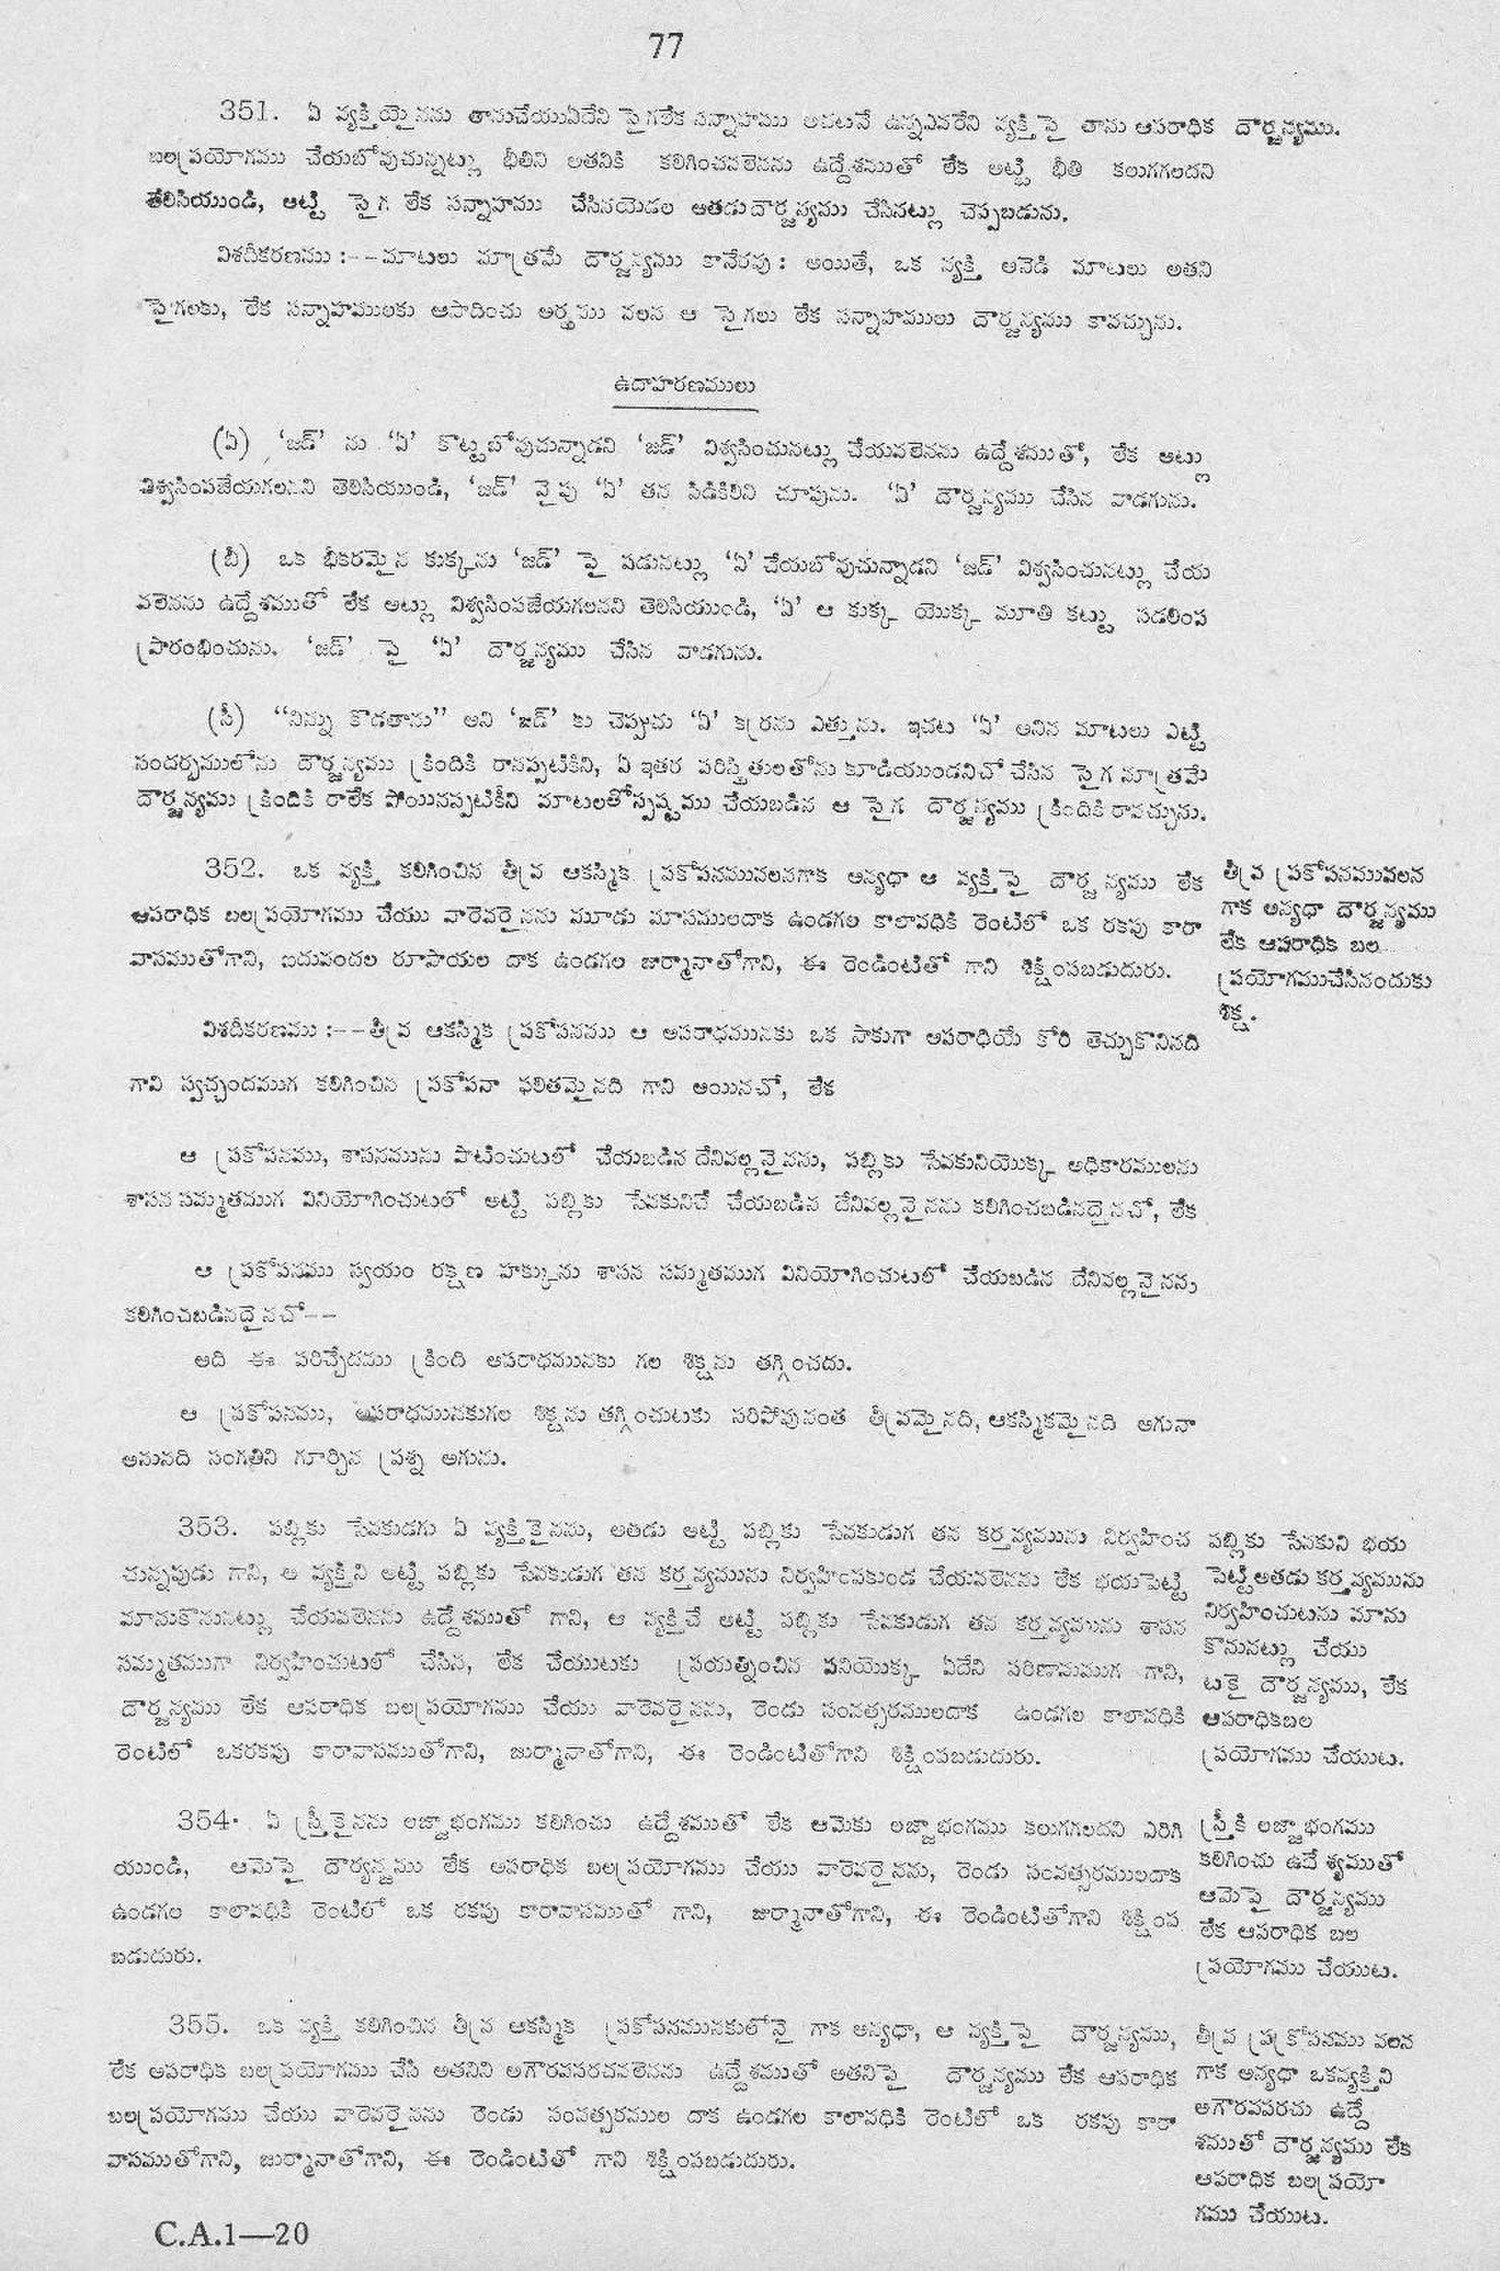దౌర్జన్యము.

351. ఏ వ్యక్తి యైనను తానుచేయు ఏదేని సైగలేక సన్నాహము అచటనే ఉన్న ఎవరేని వ్యక్తి పై తాను ఆపరాధిక బలప్రయోగము చేయబోవుచున్నట్లు భీతిని అతనికి కలిగించవలెనను ఉద్దేశముతో లేక అట్టి భీతి కలుగగలదని తెలిసియుండి, అట్టి సైగ లేక సన్నాహము చేసినయెడల అతడు దౌర్జన్యము చేసినట్లు చెప్పబడును,

విశదీకరణము : -- మాటలు మాత్రమే దౌర్జన్యము కానేరపు : అయితే, ఒక వ్యక్తి అనెడి మాటలు అతని సైగలకు, లేక సన్నాహములకు ఆపాదించు అర్దము వలన ఆ సైగలు లేక సన్నాహములు దౌర్జన్యము కావచ్చును.

(ఏ), 'జడ్' ను 'ఏ' కొట్టబోవుచున్నాడని 'జడ్' విశ్వసించునట్లు చేయవలెనను ఉద్దేశముతో, లేక అట్లు విశ్వసింపజేయగలనని తెలిసియుండి, 'జడ్' వైపు 'ఏ' తన పిడికిలిని చూపును. 'ఏ' దౌర్జన్యము చేసిన వాడగును.

(బీ) ఒక భీకరమైన కుక్కను 'జడ్' పై పడునట్లు 'ఏ' చేయబోవుచున్నాడని 'జడ్' విశ్వసించునట్లు చేయవలెనను ఉద్దేశముతో లేక అట్లు విశ్వసింపజేయగలనని తెలిసియుండి, 'ఏ' ఆ కుక్క యొక్క మూతి కట్టు సడలింప ప్రారంభించును, 'జడ్' పై 'ఏ' దౌర్జన్యము చేసిన వాడగును.

(సీ) “నిన్ను కొడతాను" అని 'జడ్' కు చెప్పును 'ఏ' కర్రను ఎత్తును. ఇచట 'ఏ' అనిన మాటలు ఎట్టి సందర్బములోను దొరన్యము క్రిందికి రానప్పటికిని, ఏ ఇతర పరిస్థితుల తోను కూడియుండనిచో చేసిన సైగ మాత్రమే దౌర్జన్యము క్రిందికి రాలేక పోయినప్పటికీని మాటలతో స్పష్టము చేయబడిన ఆ సైగ దౌర్జన్యము క్రిందికి రావచ్చును.

తీవ్ర ప్రకోపనము వలన గాక అన్యధా దౌర్జన్యము లేక ఆపరాధిక బలప్రయోగము చేసినందుకుశిక్ష.

352. ఒక వ్యక్తి కలిగించిన తీవ్ర ఆకస్మిక ప్రకోపనమువలన గాక అన్యధా ఆ వ్యక్తి పై దౌర్జన్యము లేక ఆపరాధిక బల ప్రయోగము చేయు వారెవరైనను మూడు మాసములదాక ఉండగల కాలావధికి రెంటిలో ఒక రకపు కారావాసముతొ గాని ఐదువందల రూపాయల దాక ఉండగల జూర్మానాతోగాని, ఈ రెండింటితో గాని శిక్షింపబడుదురు.

విశదీకరణము :-- తీవ్ర ఆకస్మిక ప్రకోపనము ఆ అపరాధమునకు ఒక సాకుగా అపరాధియే కోరి తెచ్చుకొనినది గాని స్వచ్చందముగ కలిగించిన ప్రకోపనా ఫలితమైనది గాని అయినచో, లేక

ఆ ప్రకోపనము, శాసనమును పాటించుటలో చేయబడిన దేనివల్ల నైనను, పబ్లికు సేవకుని యొక్క అధికారములను శాసన సమ్మతముగ వినియోగించుటలో అట్టి పబ్లికు సేవకునిచే చేయబడిన దేనివల్ల నైనను కలిగించబడినదైనచో, లేక

ఆ ప్రకోపనము స్వయం రక్షణ హక్కును శాసన సమ్మతముగ వినియోగించుటలో చేయబడిన దేనివల్ల నైనను కలిగించబడినదైనచో---

అది ఈ పరిచ్చేదము క్రింది అపరాధమునకు గల శిక్షను తగ్గించదు.

ఆ ప్రకోపనము, అపరాధమునకుగల శిక్షను తగ్గించుటకు సరిపోవునంత తీవ్రమైనది, ఆకస్మికమై నది అగునా అనునది సంగతిని గూర్చిన ప్రశ్న అగును.

పబ్లికు సేవకుని భయపెట్టి అతడు కర్త వ్యమును నిర్వహించుటను మానుకొనునట్లు చేయుటకై దౌర్జన్యము, లేక అపరాధికణల
ప్రయోగము చేయుట.

353. పబ్లికు సేవకుడగు ఏ వ్యక్తి కైనను, అతడు అట్టి పబ్లికు సేవకుడుగ తన కర్తవ్యమును నిర్వహించ చున్నపుడు గాని, ఆ వ్యక్తిని అట్టి పబ్లికు సేవకుడుగ. తన కర్తవ్యమును నిర్వహింపకుండ చేయ వలెనను లేక భయపెట్టి మానుకొనునట్లు చేయవలెనను ఉద్దేశముతో గాని, ఆ వ్యక్తి చే అట్టి పబ్లికు సేవకుడుగ తన కర్తవ్యమును శాసన సమ్మతముగా నిర్వహించుటలో చేసిన, లేక చేయుటకు
ప్రయత్నించిన పనియొక్క ఏదేని పరిణామముగా గాని, దౌర్జన్యము లేక ఆపరాధిక బల ప్రయోగము చేయు వారెవరైనను, రెండు సంవత్సరముల దాక ఉండగల కాలావధికి రెంటిలో ఒకరకపు కారావాసముతో గాని, జుర్మానాతోగాని, ఈ రెండింటితో గాని శిక్షింపబడుదురు.

స్త్రీకి లజ్జా భంగము కలిగించు ఉదేశ్యముతో ఆమెపై దౌర్జన్యము లేక ఆపరాధిక బలప్రయోగము చేయుట.

354. ఏ స్త్రీ కైనను లజ్జా భంగము కలిగించు ఉద్దేశముతో లేక ఆమెకు లజా భంగము కలుగగలదని ఎరిగి ఆమె పై దౌర్యనము లేక అపరాధిక బల ప్రయోగము చేయు వారెవరైనను, రెండు సంవత్సరములదాక ఉండగల కాలావధికి రెంటిలో ఒక రకపు కారావాసముతో గాని, జుర్మానాతో గాని, ఈ రెండింటితోగాని శిక్షింప బడుదురు.

తీవ్ర ప్రకోపనము వలన గాక అన్యధా ఒక వ్యక్తిని అగౌరవపరచు ఉద్దేశముతో దౌర్జన్యము లేక ఆపరాధిక బలప్రయోగము చేయుట.

355. ఒక వ్యక్తి కలిగించిన తీవ్ర ఆకస్మిక ప్రకోపనముసకులోనై గాక అన్యధా, ఆ వ్యక్తి పై దౌర్జన్యము, లేక అపరాధిక బల ప్రయోగము చేసి అతనిని అగౌరపపరచవలెనను ఉద్దేశముతో అతనిపై దౌర్జన్యము లేక ఆపరాధిక బల ప్రయోగము చేయు వారెవరైనను రెండు సంవత్సరముల దాక ఉండగల కాలావధికి రెంటిలో ఒక రకపు కారావాసముతో గాని, జుర్మానాతోగాని, ఈ రెండింటితో గాని శిక్షింపబడుదురు.